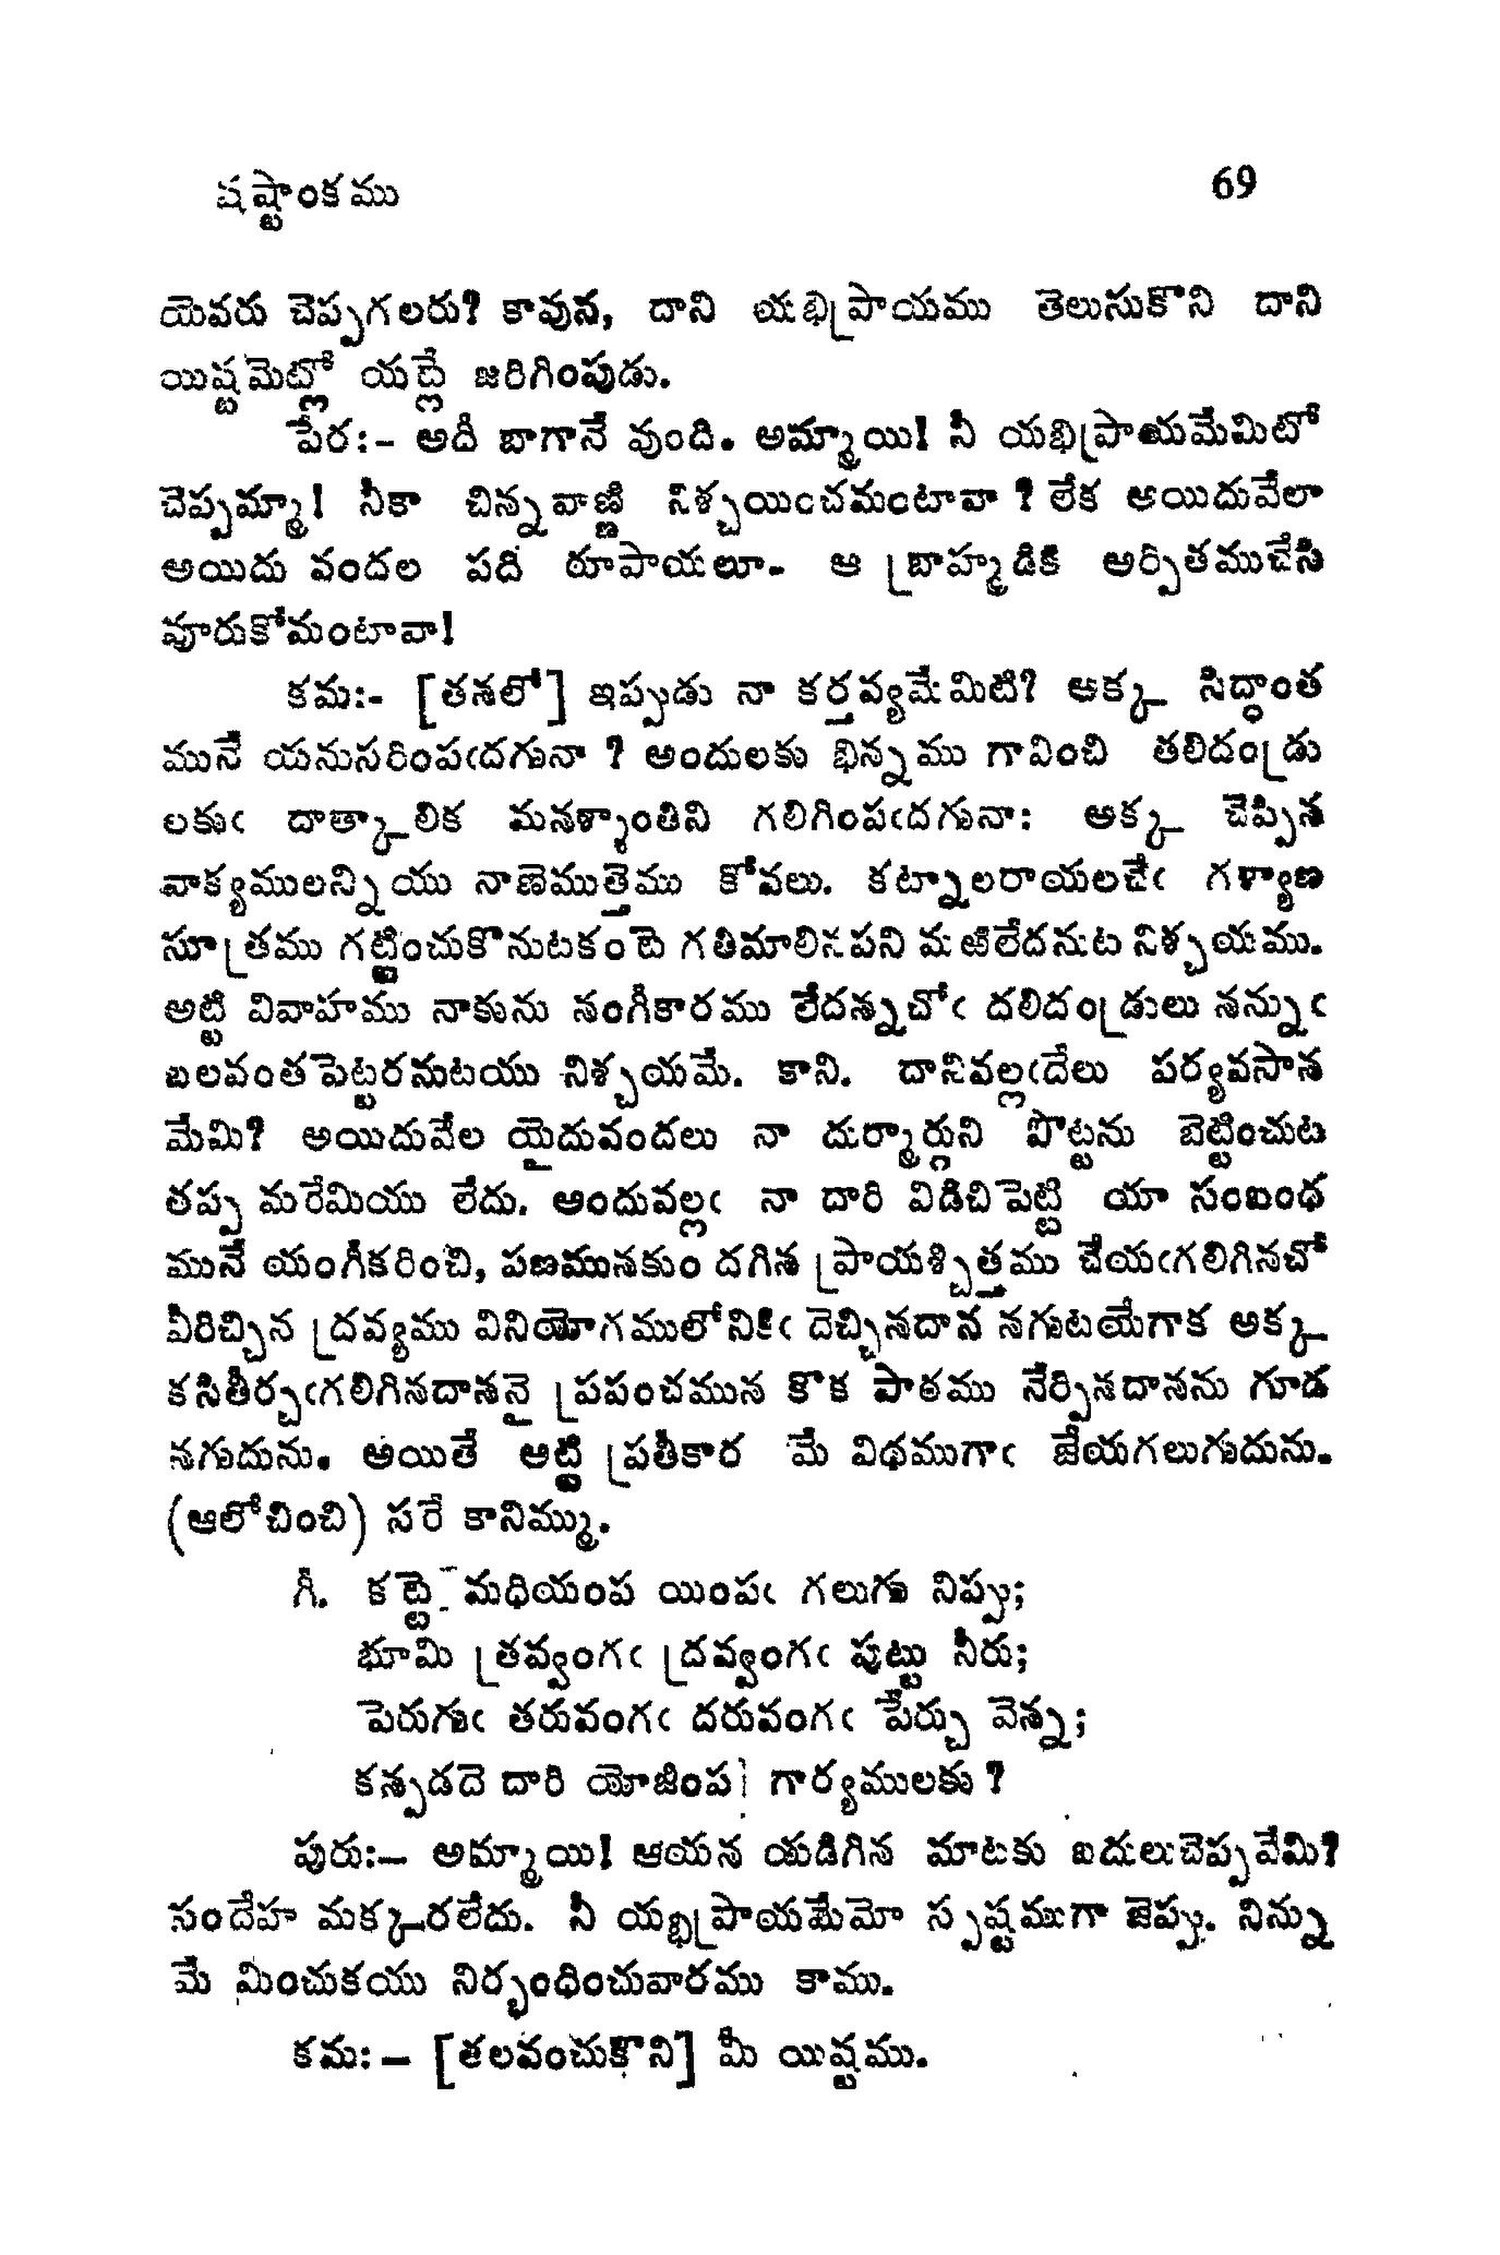యెవరు చెప్పగలరు! కావున, దాని యభిప్రాయము తెలుసుకొని దాని యిష్టమెట్లో యట్లే జరిగింపుడు.

పేర :- అదీ బాగానే వుంది. అమ్మాయీ! నీ యభిప్రాయమేమిటో చెప్పమ్మా! నీకా చిన్నవాణ్ణి నిశ్చయించమంటావా? లేక అయిదువేలా అయిదు వందల పది రూపాయలూ - ఆబ్రాహ్మడికి అర్పితముచేసి వూరుకోమంటావా!

కమ :- (తనలో) ఇప్పుడు నా కర్తవ్యమేమిటి? అక్క సిద్ధాంతమునే యనుసరింపఁదగునా? అందులకు భిన్నము గావించి తలిదండ్రులకుఁ దాత్కాలిక మనశ్శాంతిని గలిగింపఁదగునా! అక్క చెప్పిన వాక్యములన్నియు నాణెముత్తెము కోవలు. కట్నాలరాయలచేఁ గళ్యాణసూత్రము గట్టించుకొనుటకంటె గతిమాలినపని మఱిలేదనుట నిశ్చయము. అట్టి వివాహము నాకును నంగీకారము లేదన్నచోఁ, దలిదండ్రులు నన్నుఁ బలవంతపెట్టరనుటయు నిశ్చయమే. కాని, దానివల్లఁదేలు పర్యవసాన మేమి? అయిదువేల యైదువందలు నా దుర్మార్గుని పొట్టను బెట్టించుట తప్ప మరేమియు లేదు. అందువల్లఁ నా దారి విడిచిపెట్టి యా సంబంధమునే యంగీకరించి, పణమునకుం దగిన ప్రాయశ్చిత్తము చేయఁగలిగినచో వీరిచ్చిన ద్రవ్యము వినియోగములోనికిఁ దెచ్చినదాన నగుటయేగాక అక్క కసితీర్పఁగలిగినదాననై ప్రపంచమున కొక పాఠము నేర్పినదానను గూడ నగుదును. అయితే అట్టి ప్రతీకార మే విధముగాఁ జేయగలుదును. (ఆలోచించి) సరే కానిమ్ము.

గీ. కట్టె మథియింప యింపఁ గలుగు నిప్పు;
 భూమి త్రవ్వంగఁ ద్రవ్వంగఁ పుట్టు నీరు;
 పెరుగుఁ తరువంగఁ దరువంగఁ పేర్చు వెన్న;
 కన్పడదె దారి యోజింపఁ గార్యములకు?
పురు :- అమ్మాయి! ఆయన యడిగిన మాటకు బదులుచెప్పవేమి! సందేహ మక్కరలేదు. నీ యభిప్రాయమేమో స్పష్టముగా జెప్పు. నిన్ను మే మించుకయు నిర్బంధించువారము కాము.

కమ :- (తల వంచుకొని) మీ యిష్టము.